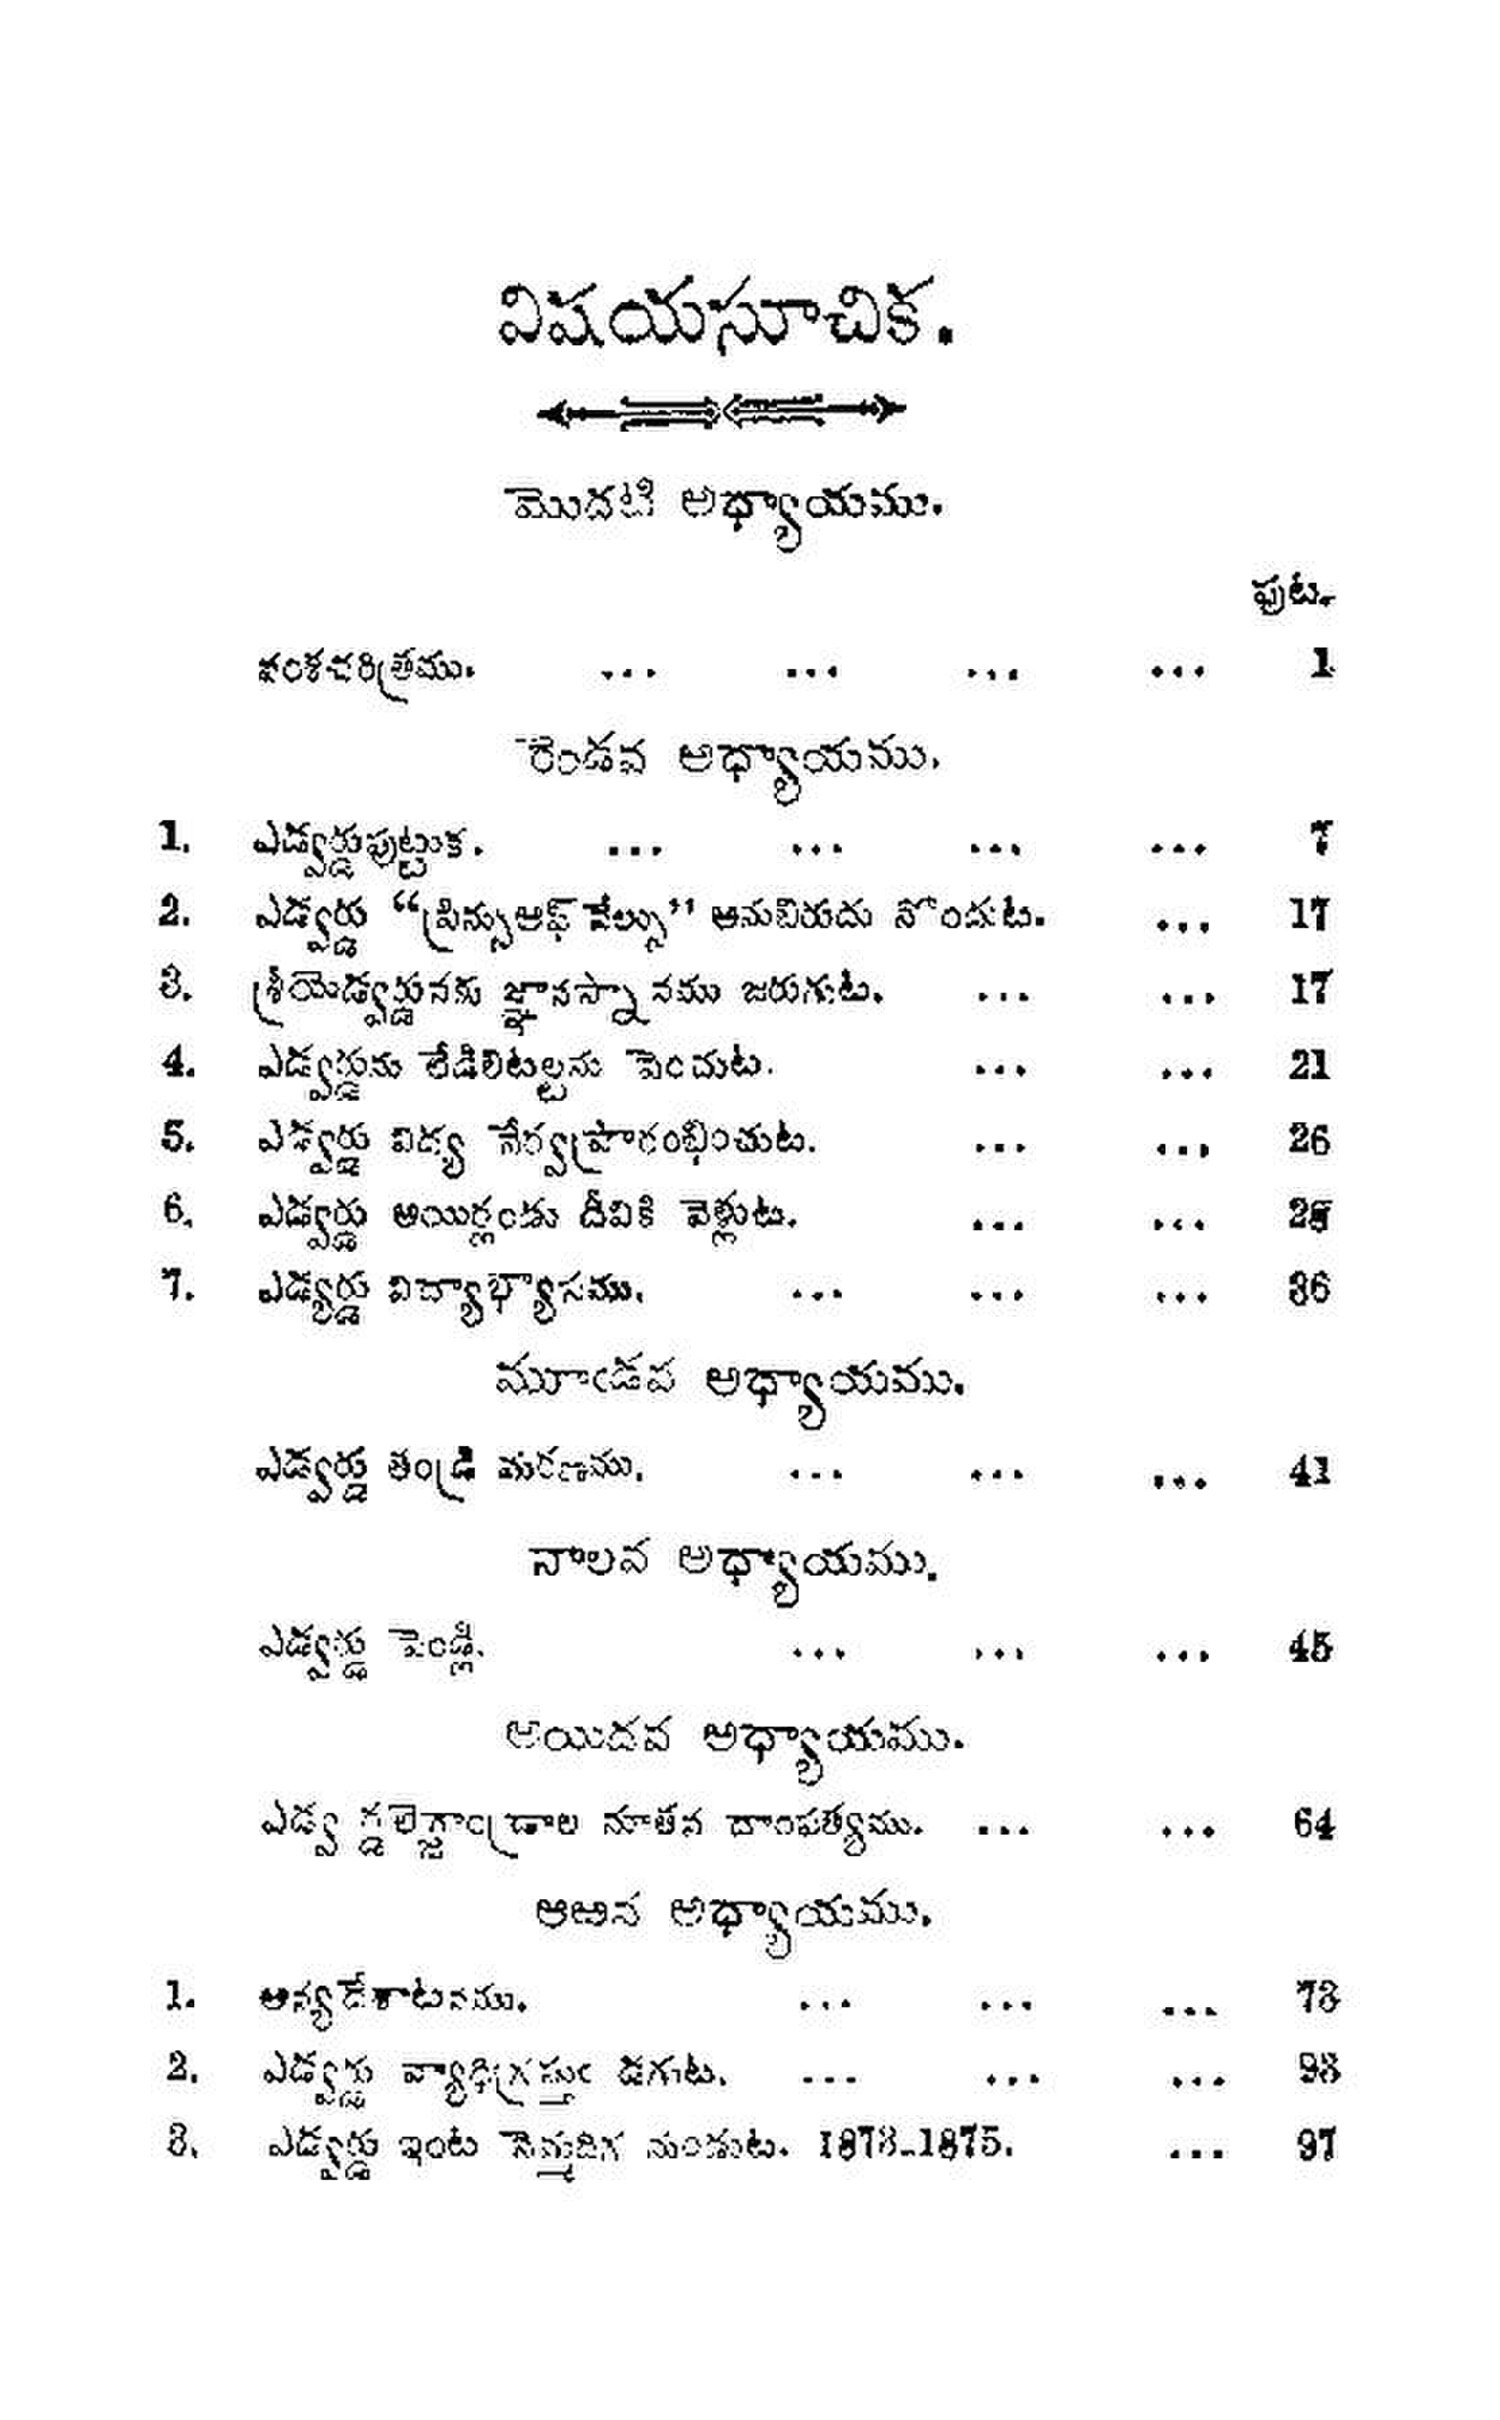విషయసూచిక. .

1. ఎడ్వర్డు పుట్టుక, 
2. ఎడ్వర్డు " ప్రిన్సు ఆఫ్ వేలు" అను బిరుదు నొందుట. 
3. శ్రీయెడ్వర్డు నకు జ్ఞానస్నానము జరుగుట, 
4. ఎడ్వర్డును లేడిలిటల్టను పెంచుట, 
5. ఎశ్వర్లు విద్య నేర్వప్రారంభించుట. 
6. ఎడ్వర్డు అయిర్లండు దీవికి వెళ్లుట, 
7. ఎడ్యర్డు విద్యాభ్యాసము. 

ఎడ్వర్డు తండ్రి మరణము. 

ఎడ్వర్డు పెండ్లి 

ఎడ్వవలెగ్జాండ్రాల నూతన దాంపత్యము. 

1. అన్యదేశాటనము. 
2. ఎడ్వర్టు వ్యాధిగ్రస్తుఁ డగుట, 
3. ఎడ్వర్డు ఇంట నెమ్మదిగా నుండుట. 1978.1875.